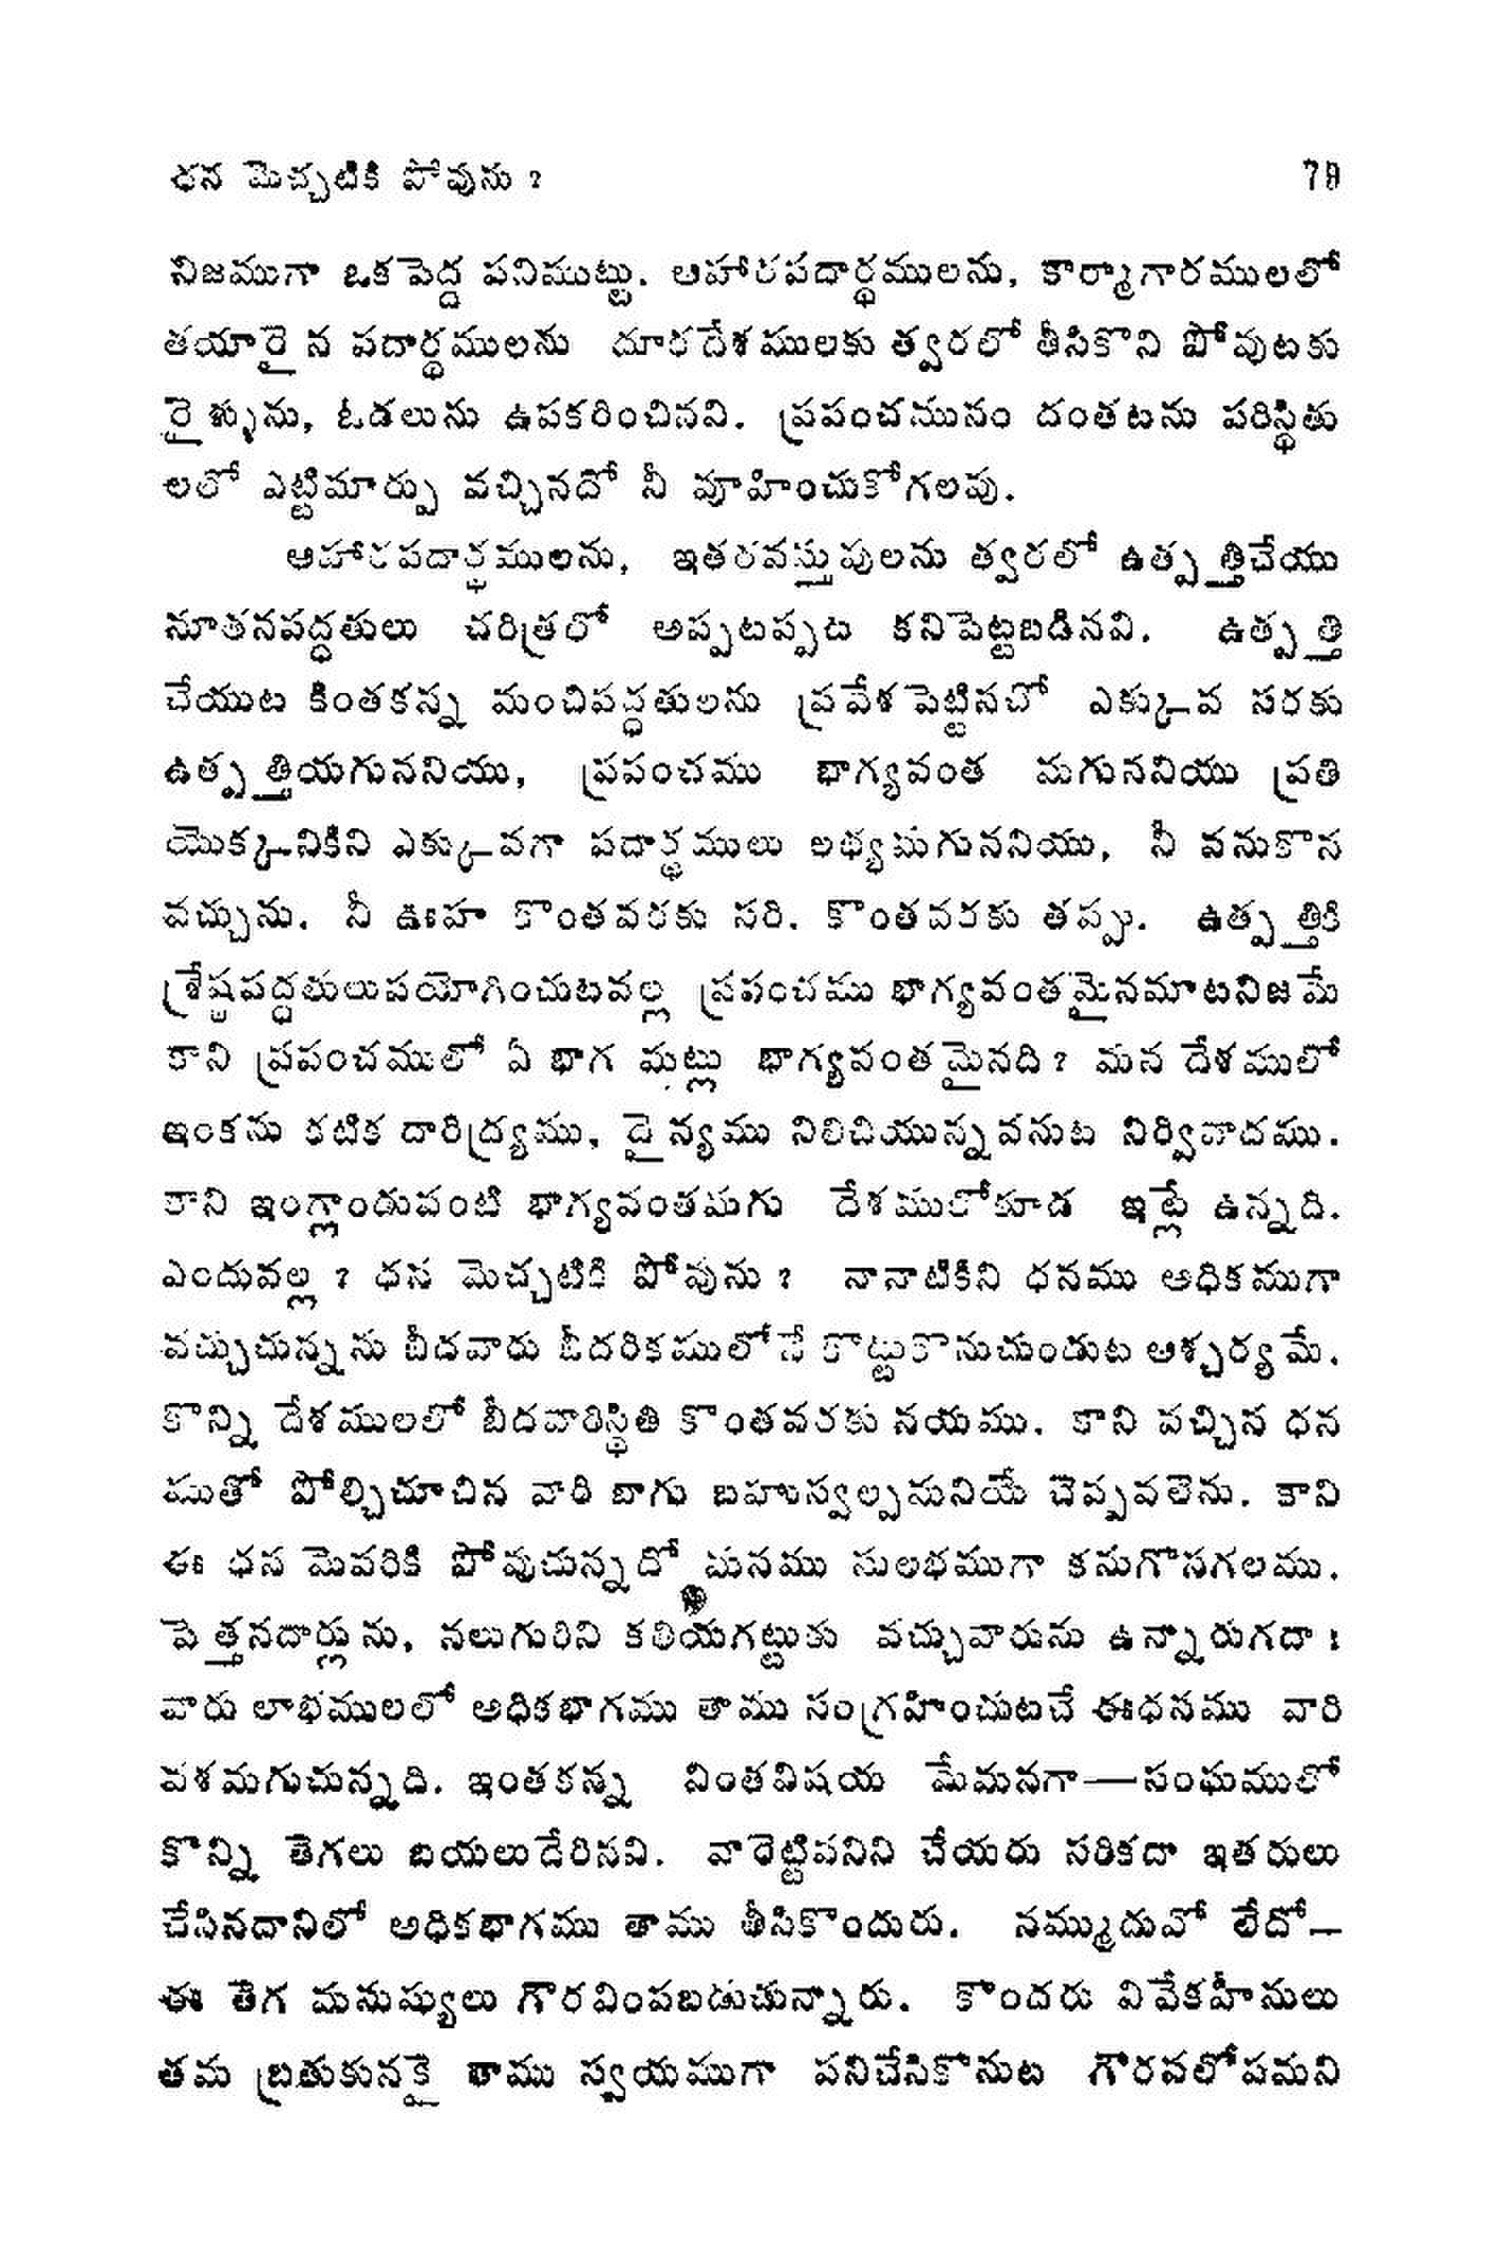నిజముగా ఒకపెద్ద పనిముట్టు. ఆహారపదార్ధములను, కార్మాగారములలో తయారైన పదార్థములను దూరదేశములకు త్వరలో తీసికొని పోవుటకు రైళ్ళును, ఓడలును ఉపకరించినవి. ప్రపంచమునం దంతటను పరిస్థితులలో ఎట్టిమార్పు వచ్చినదో నీ వూహించుకోగలవు.

ఆహారపదార్థములను, ఇతరవస్తువులను త్వరలో ఉత్పత్తిచేయు నూతనపద్ధతులు చరిత్రలో అప్పటప్పట కనిపెట్టబడినవి. ఉత్పత్తి చేయుట కింతకన్న మంచిపద్ధతులను ప్రవేశ పెట్టినచో ఎక్కువ సరకు ఉత్పత్తియగుననియు, ప్రపంచము భాగ్యవంత మగుననియు ప్రతి యొక్కనికిని ఎక్కువగా పదార్థములు లభ్యమగుననియు, నీ వనుకొనవచ్చును. నీ ఊహ కొంతవరకు సరి. కొంతవరకు తప్పు. ఉత్పత్తికి శ్రేష్ఠపద్దతులుపయోగించుటవల్ల ప్రపంచము భాగ్యవంతమైనమాటనిజమే కాని ప్రపంచములో ఏ భాగ మట్లు భాగ్యవంతమైనది ? మన దేశములో ఇంకను కటిక దారిద్ర్యము, దైన్యము నిలిచియున్నవనుట నిర్వివాదము . కాని ఇంగ్లాండువంటి భాగ్యవంతమగు దేశములోకూడ ఇట్లే ఉన్నది. ఎందువల్ల? ధన మెచ్చటికి పోవును ? నానాటికిని ధనము అధికముగా వచ్చుచున్నను బీదవారు బీదరికములోనే కొట్టుకొనుచుండుట ఆశ్చర్యమే. కొన్ని దేశములలో బీదవారిస్థితి కొంతవరకు నయము. కాని వచ్చిన ధనముతో పోల్చిచూచిన వారి బాగు బహుస్వల్పమనియే చెప్పవలెను. కాని ఈ ధన మెవరికి పోవుచున్నదో మనము సులభముగా కనుగొనగలము , పెత్తనదార్లును, నలుగురిని కలియగట్టుకు వచ్చువారును ఉన్నారుగదా ! వారు లాభములలో అధికభాగము తాము సంగ్రహించుటచే ఈ ధనము వారి వశమగుచున్నది. ఇంతకన్న వింతవిషయ మేమనగా - సంఘములో కొన్ని తెగలు బయలు దేరినవి. వారెట్టిపనిని చేయరు సరికదా ఇతరులు చేసినదానిలో అధికభాగము తాము తీసికొందురు. నమ్ముదువో లేదో - ఈ తెగ మనుష్యులు గౌరవింపబడుచున్నారు. కొందరు వివేకహీనులు తమ బ్రతుకునకై రాము స్వయముగా పనిచేసికొనుట గౌరవలోపమని